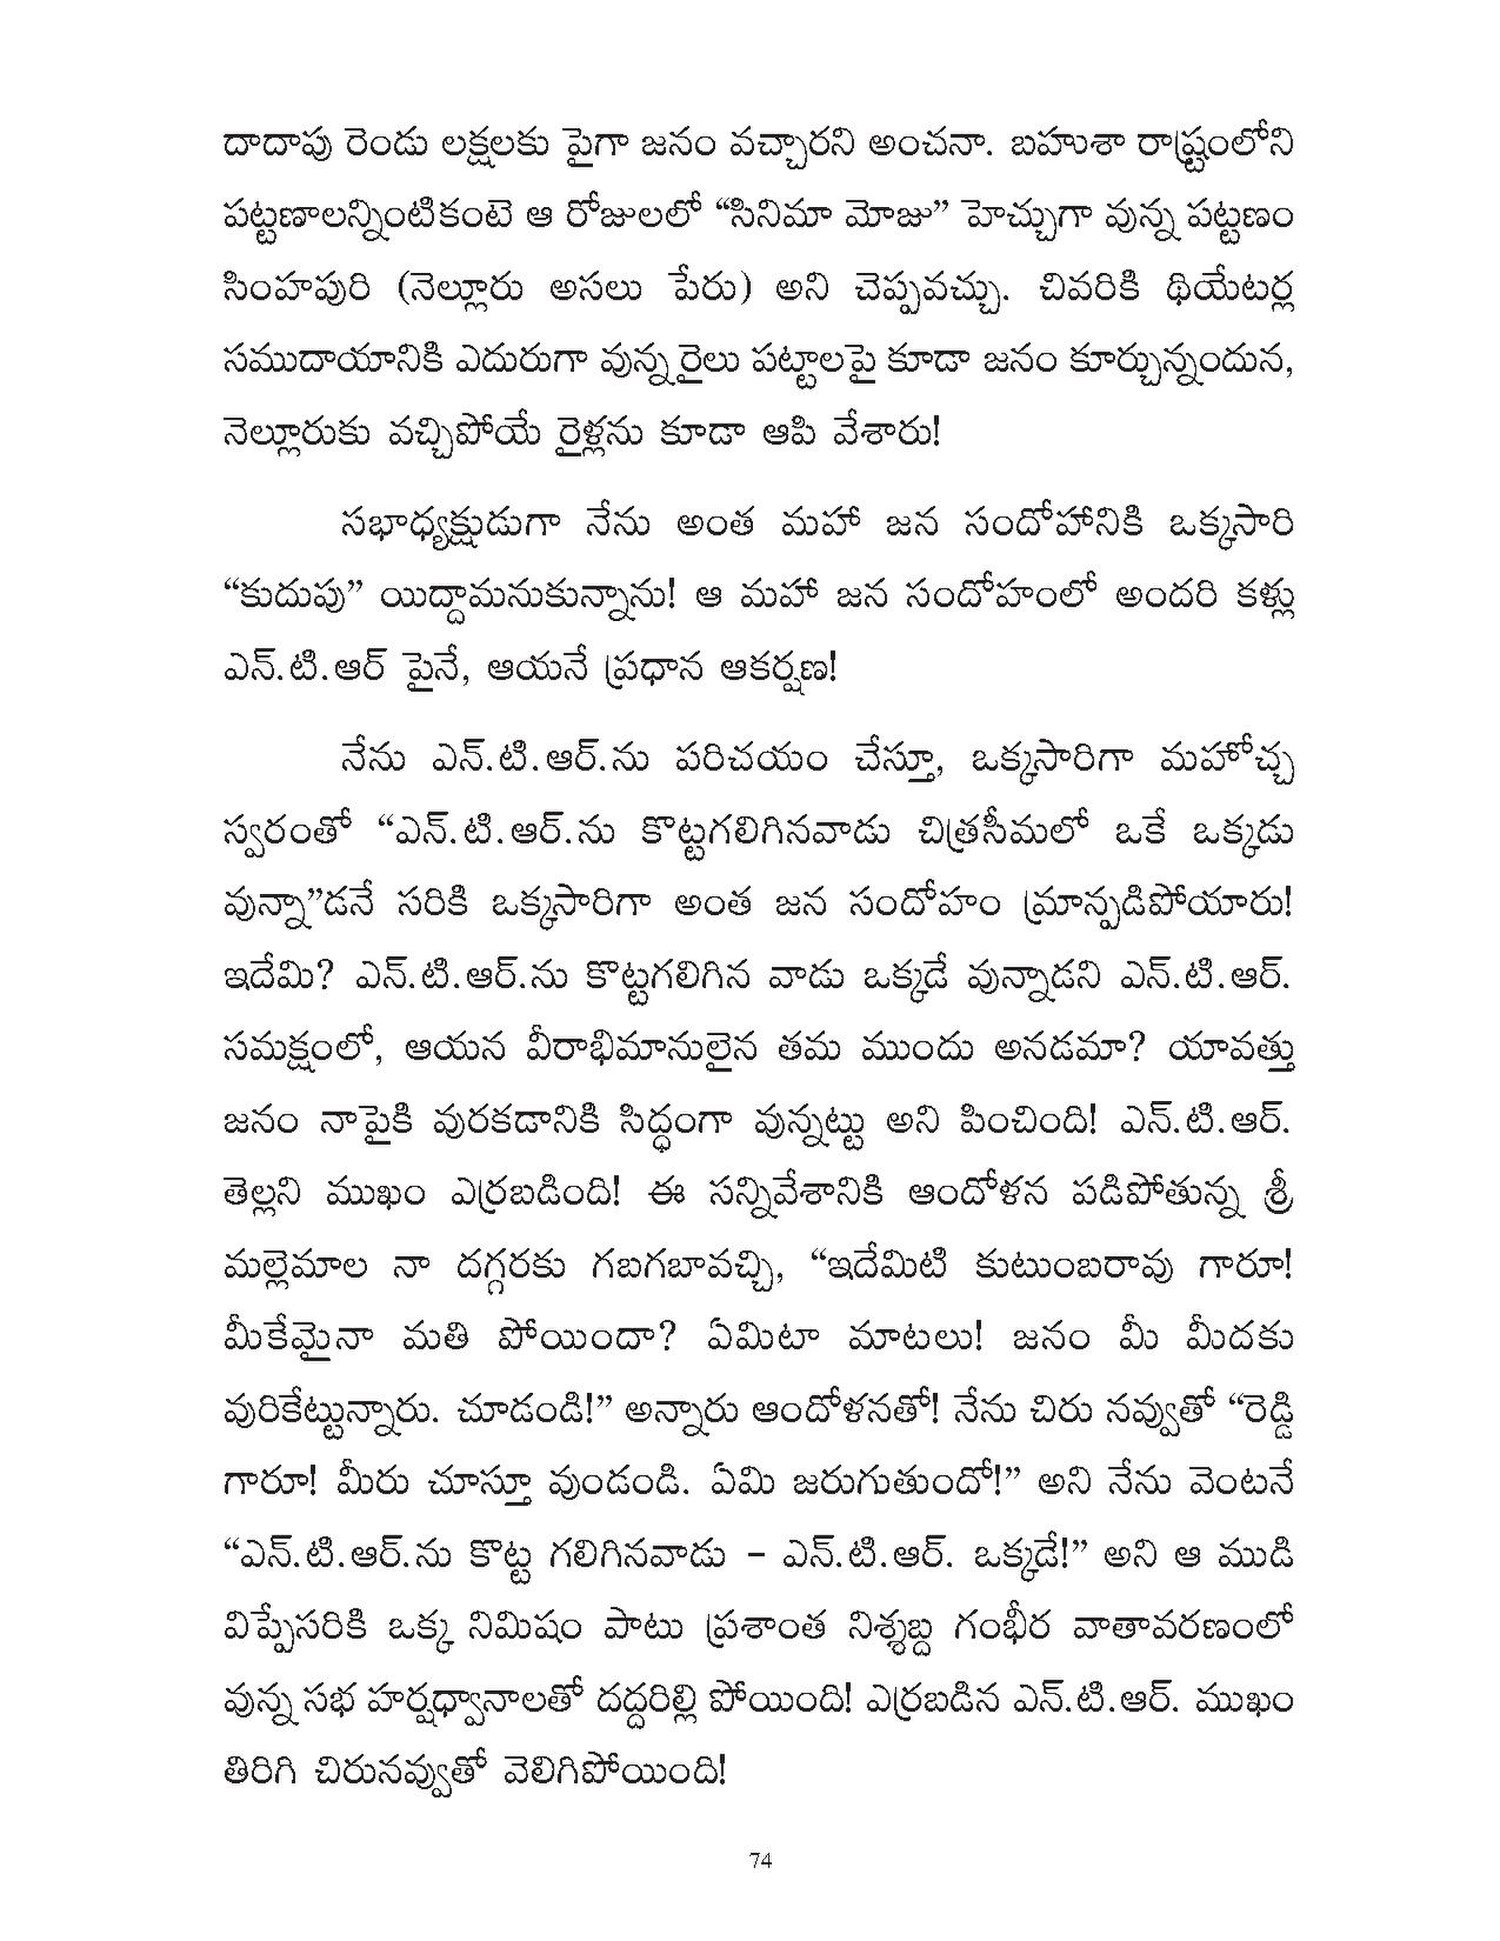దాదాపు రెండు లక్షలకు పైగా జనం వచ్చారని అంచనా. బహుశా రాష్ట్రంలోని
పట్టణాలన్నింటికంటె ఆ రోజులలో "సినిమా మోజు" హెచ్చుగా వున్న పట్టణం
సింహపురి (నెల్లూరు అసలు పేరు) అని చెప్పవచ్చు. చివరికి థియేటర్ల
సముదాయానికి ఎదురుగా వున్న రైలు పట్టాలపై కూడా జనం కూర్చున్నందున,
నెల్లూరుకు వచ్చిపోయే రైళ్లను కూడా ఆపి వేశారు!

సభాధ్యక్షుడుగా నేను అంత మహా జన సందోహానికి ఒక్కసారి
"కుదుపు" యిద్దామనుకున్నాను! ఆ మహా జన సందోహంలో అందరి కళ్లు
ఎన్‌.టి.ఆర్‌ పైనే, ఆయనే ప్రధాన ఆకర్షణ!

నేను ఎన్‌.టి.ఆర్‌.ను పరిచయం చేస్తూ, ఒక్కసారిగా మహోచ్చ
స్వరంతో "ఎన్‌.టి.ఆర్‌.ను కొట్టగలిగినవాడు చిత్రసీమలో ఒకే ఒక్కడు
వున్నా"డనే సరికి ఒక్కసారిగా అంత జన సందోహం మ్రాన్పడిపోయారు!
ఇదేమి? ఎన్‌.టి.ఆర్‌.ను కొట్టగలిగిన వాడు ఒక్కడే వున్నాడని ఎన్‌.టి.ఆర్‌.
సమక్షంలో, ఆయన వీరాభిమానులైన తమ ముందు అనడమా? యావత్తు
జనం నాపైకి వురకడానికి సిద్ధంగా వున్నట్టు అనిపించింది! ఎన్‌.టి.ఆర్‌.
తెల్లని ముఖం ఎర్రబడింది! ఈ సన్నివేశానికి ఆందోళన పడిపోతున్న శ్రీ
మల్లెమాల నా దగ్గరకు గబగబావచ్చి, "ఇదేమిటి కుటుంబరావు గారూ!
మీకేమైనా మతి పోయిందా? ఏమిటా మాటలు! జనం మీ మీదకు
వురికేట్టున్నారు. చూడండి!" అన్నారు ఆందోళనతో! నేను చిరు నవ్వుతో "రెడ్డి
గారూ! మీరు చూస్తూ వుండండి. ఏమి జరుగుతుందో!" అని నేను వెంటనే
"ఎన్‌.టి.ఆర్‌.ను కొట్ట గలిగినవాడు - ఎన్‌.టి.ఆర్‌. ఒక్కడే!" అని ఆ ముడి
విప్పేసరికి ఒక్క నిమిషం పాటు ప్రశాంత నిశ్శబ్ద గంభీర వాతావరణంలో
వున్న సభ హర్షధ్వానాలతో దద్దరిల్లి పోయింది! ఎర్రబడిన ఎన్‌.టి.ఆర్‌. ముఖం
తిరిగి చిరునవ్వుతో వెలిగిపోయింది!